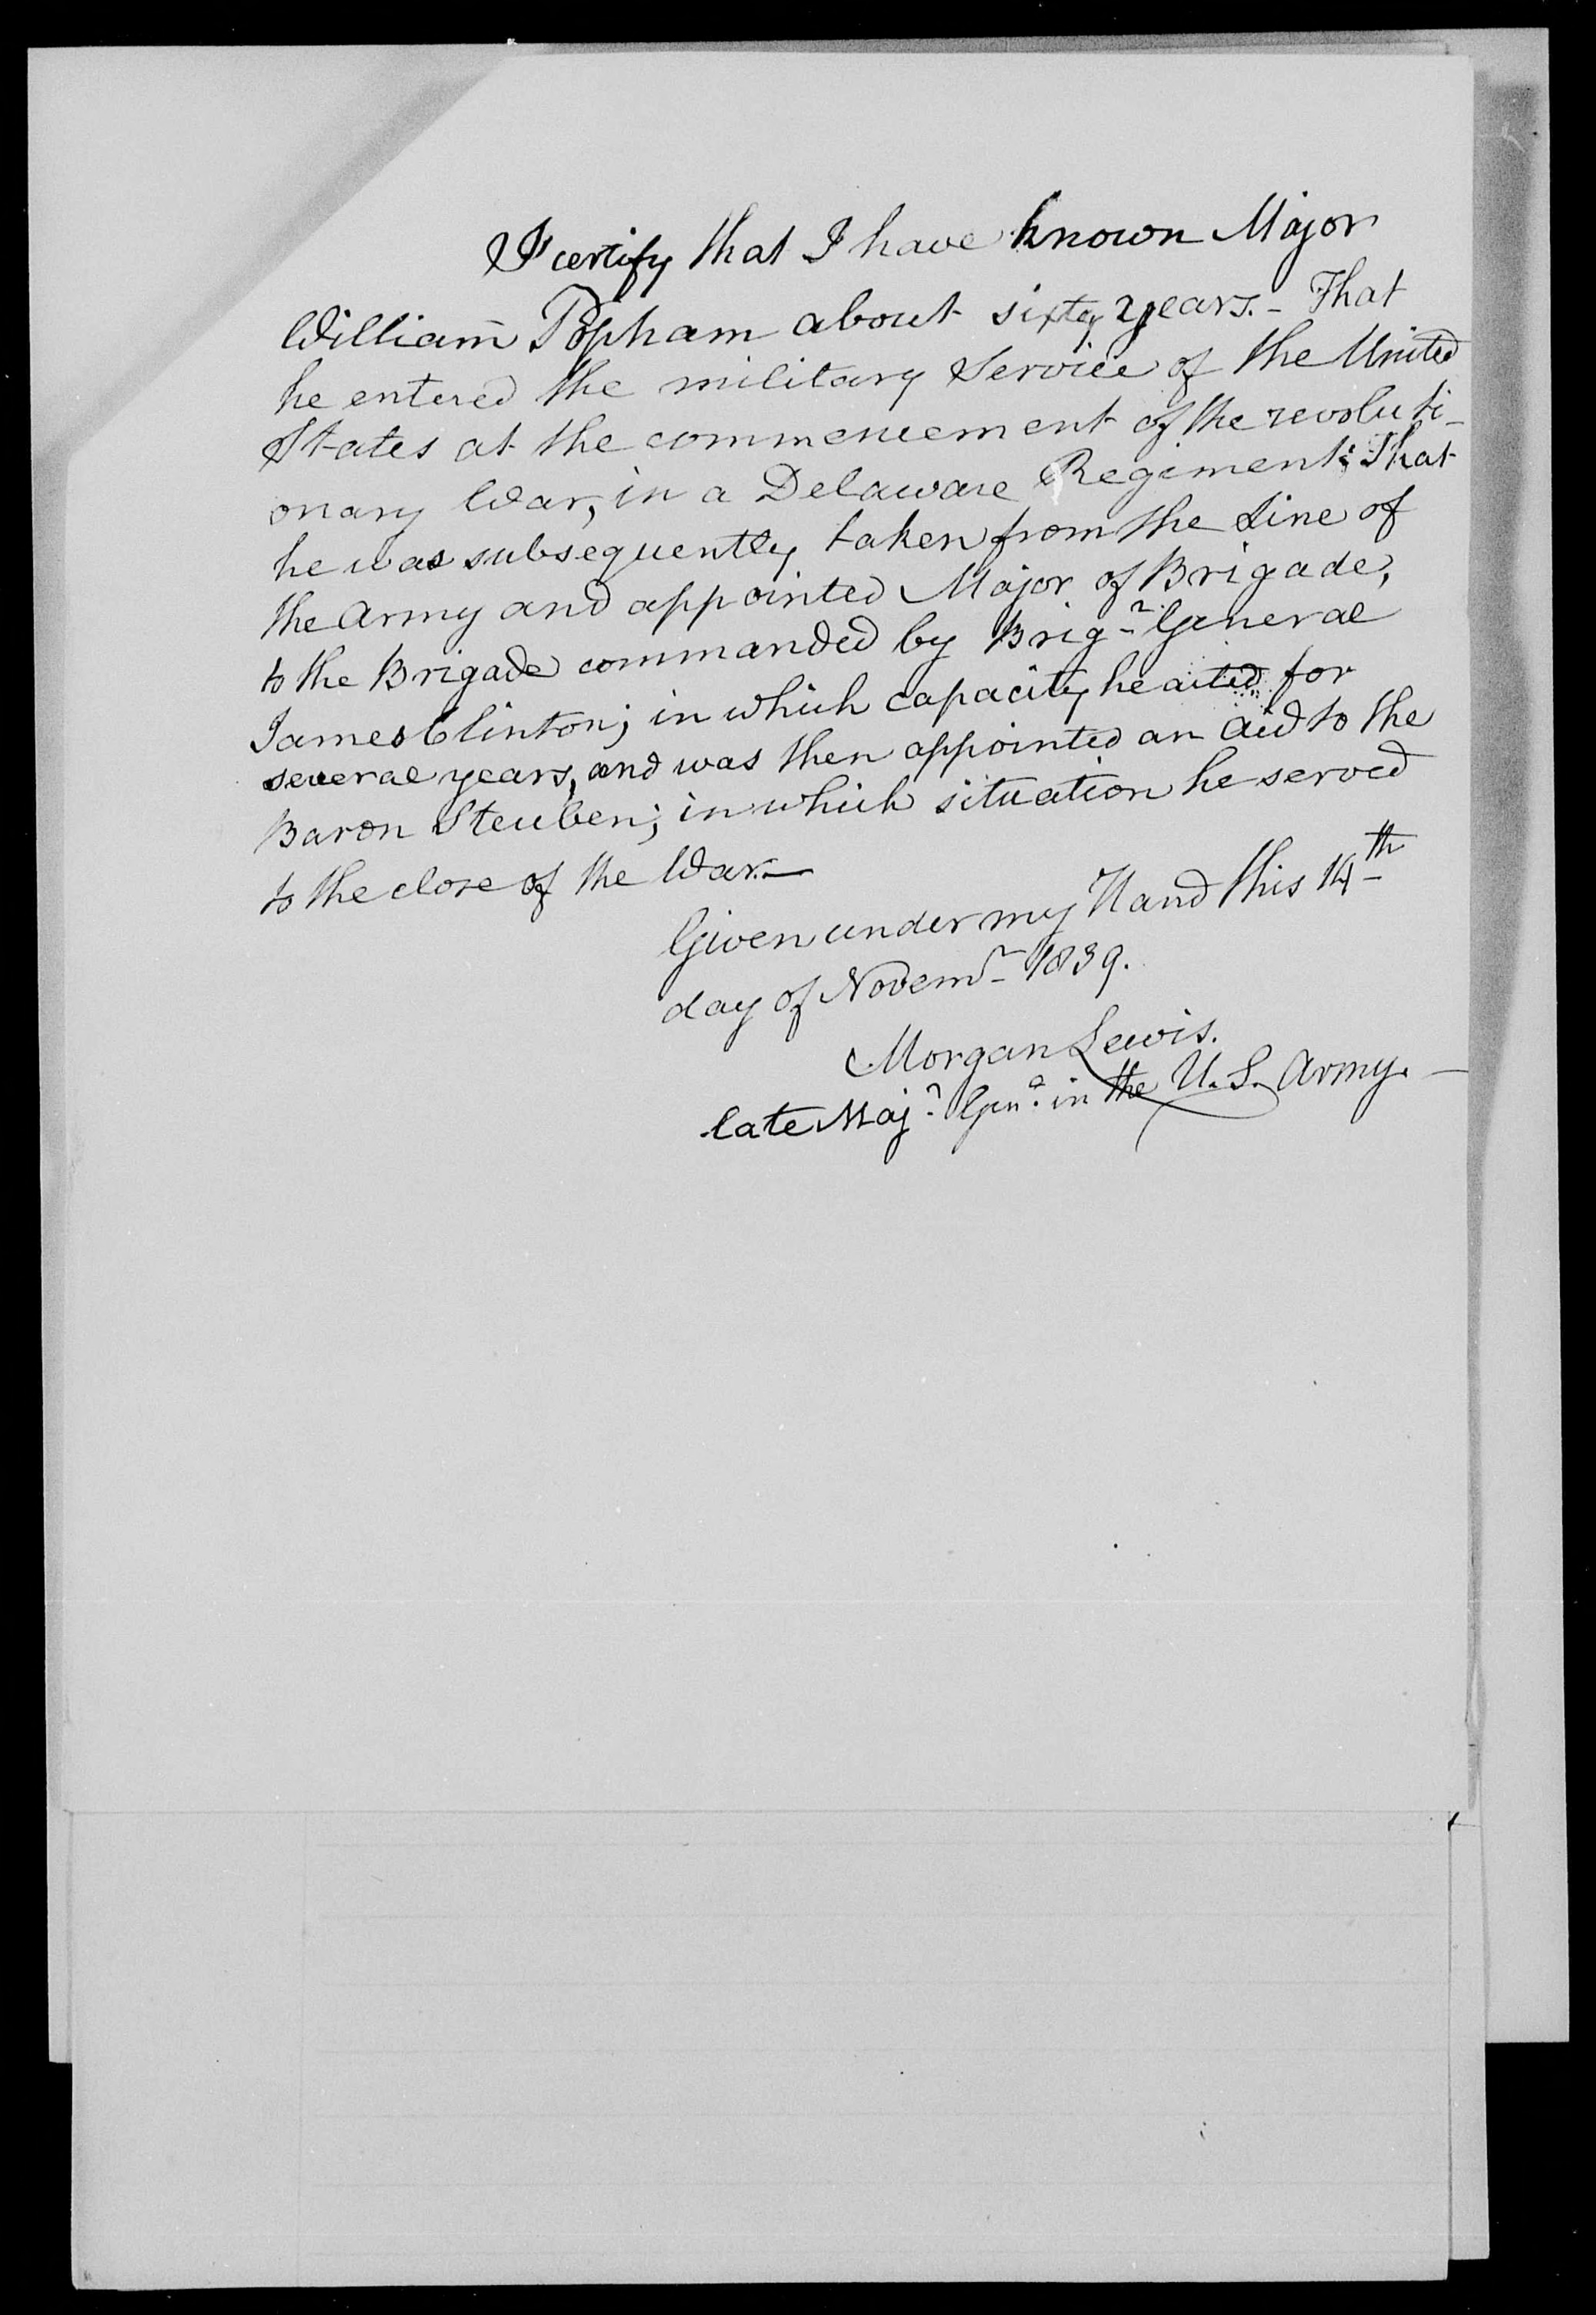I certify that I have known Major
William Topham about sixty years. That
he entered the military Service of the United States at the commencement of the revolutionary War, in a Delaware
Regiment That
he was subsequently taken from the line of
the army and appointed Major of Brigade,
to the Brigade commanded by Brig. General
hearted for
James Clinton, in which capacity he aided for
several years, and was then appointed an aid to the
Baron Steuben; in which situation he served
to the close of the War-
Given under my hand this 14th
day of Novem 1839
Morgan Lewis
late Maj Gen in the U.S. Army -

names: William Popham; James Clinton; Morgan Lewis; Baron Steuben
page: 58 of 75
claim: survivor's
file: S. 9989, for William Popham, Delaware